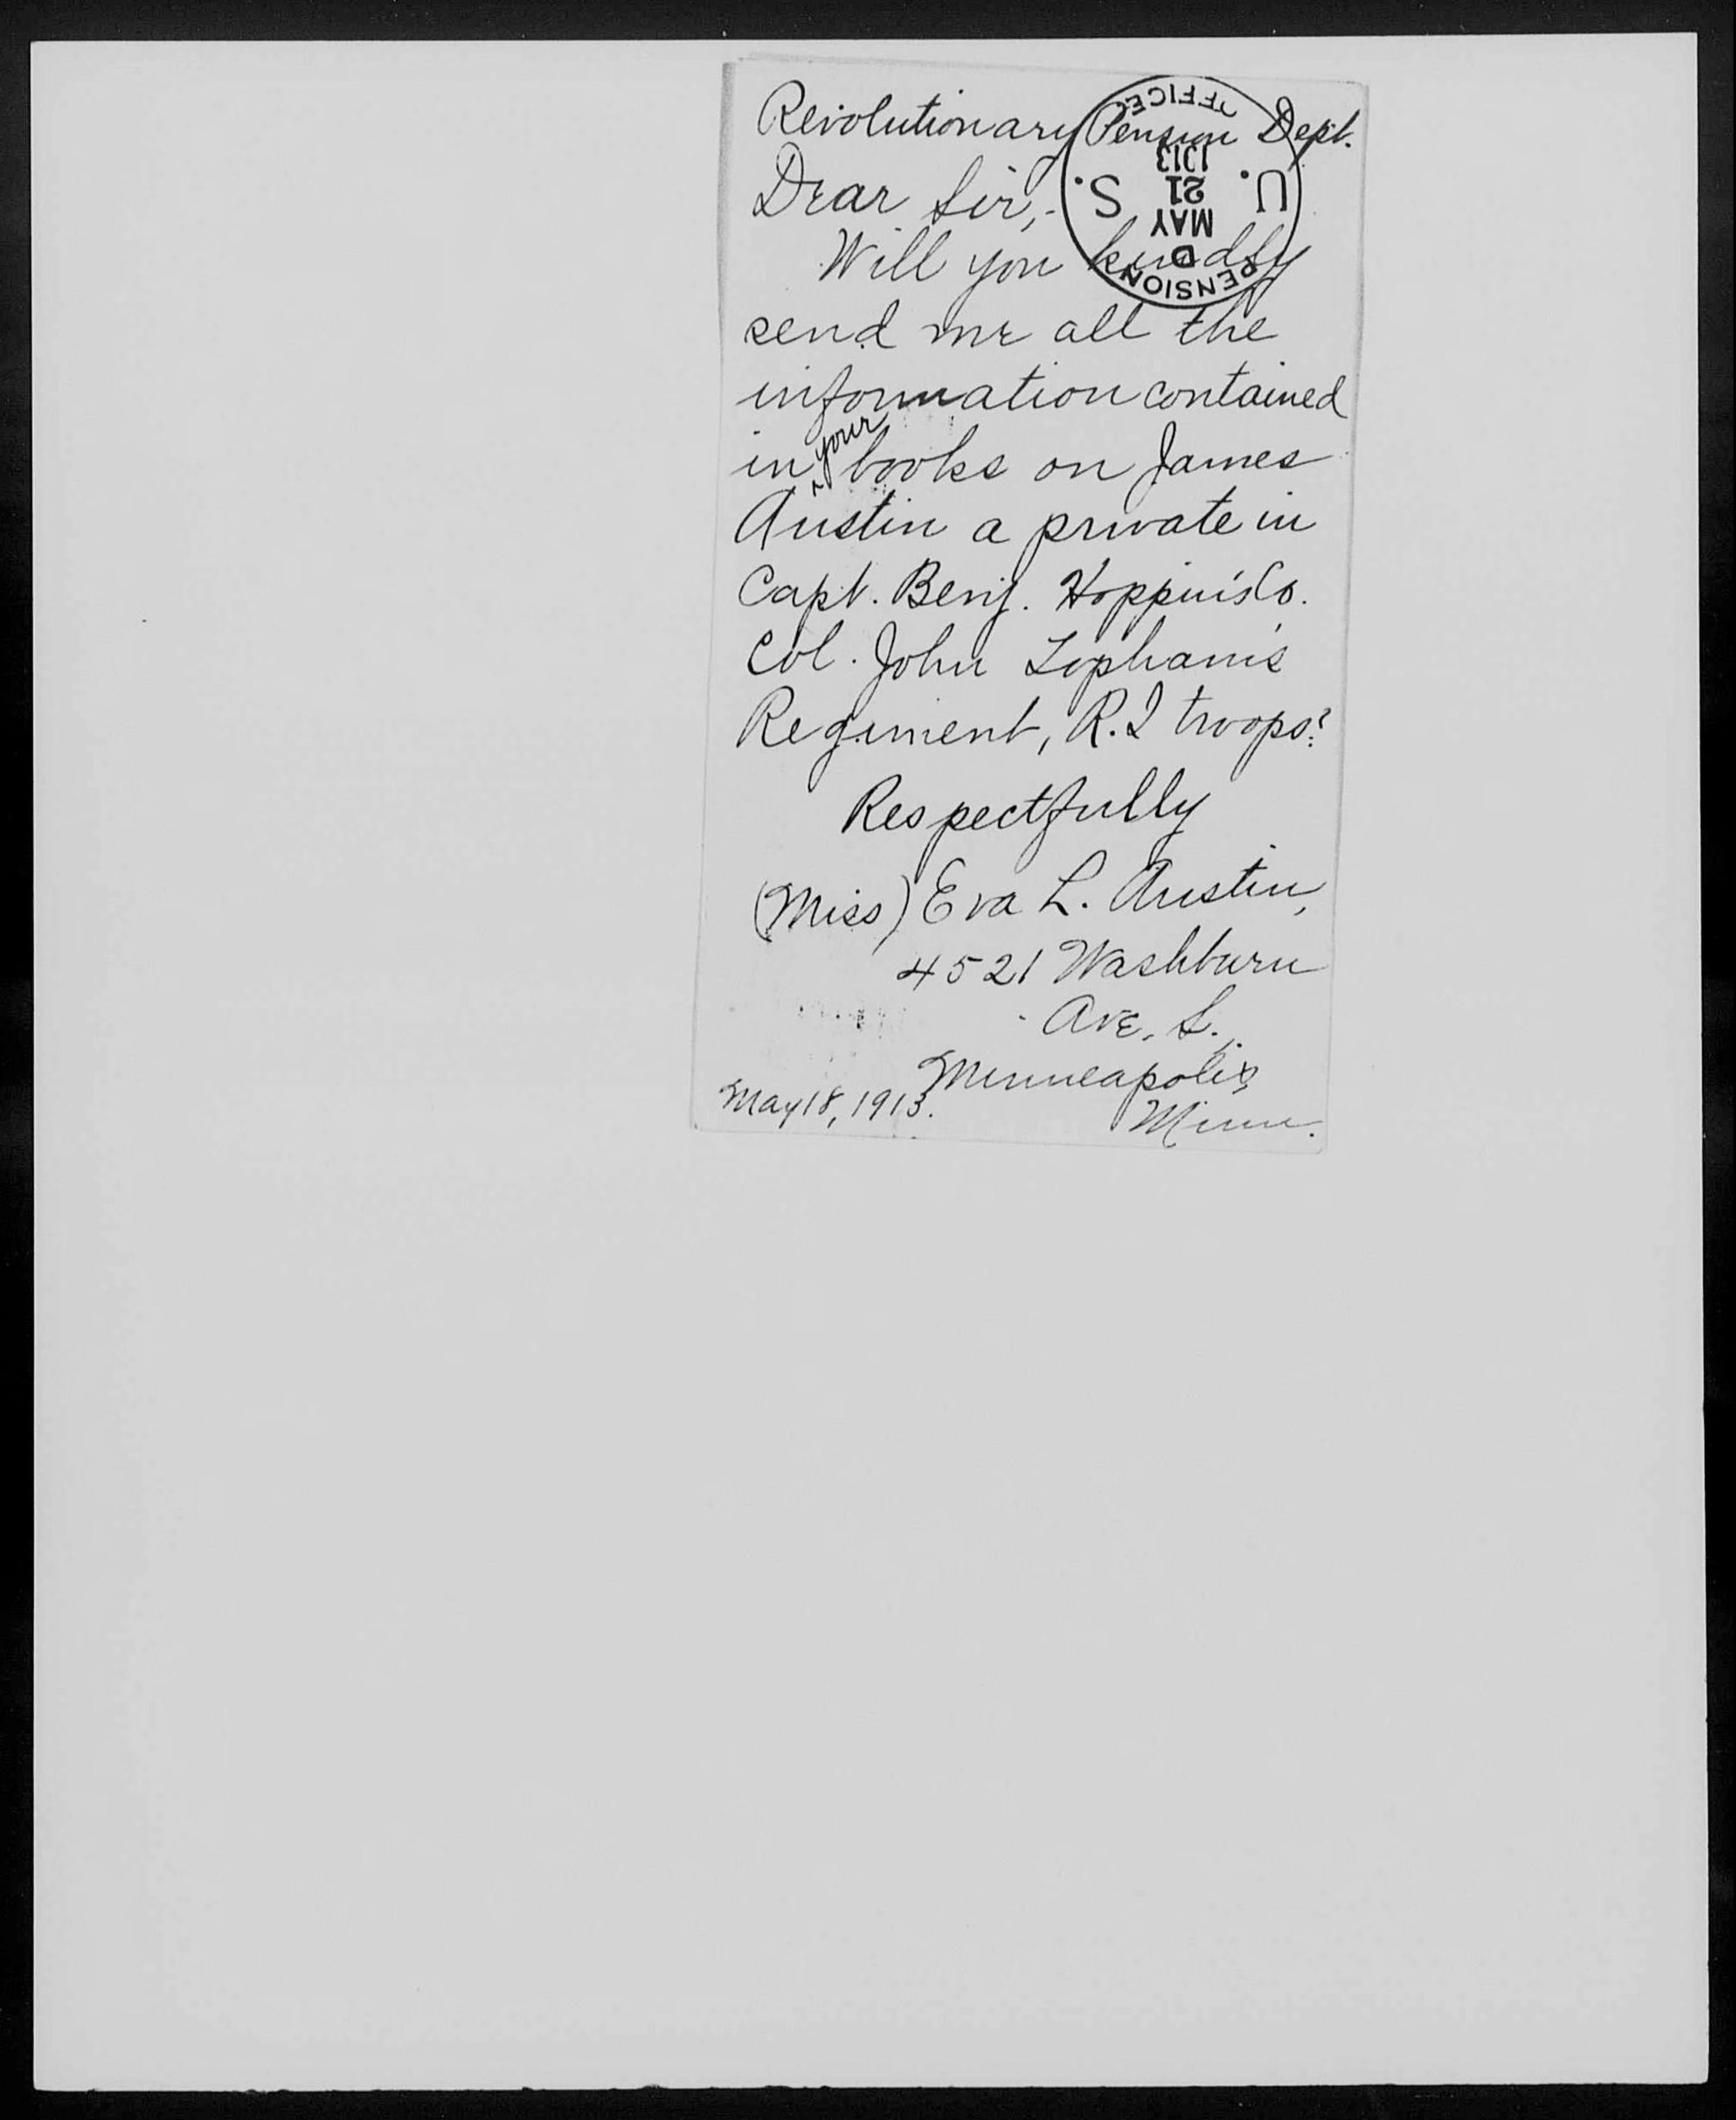Revolutionary Pension Dept.
Dear Sir,
Will you kindly send me all the information contained in your books on James Austin a private in Capt. Benj. Hoppin's Co.
Col. John Topham's Regiment, R.I. troops?
Respectfully
(Miss) Eva L. Austin
4521 Washburn Ave. S.
Minneapolis, Minne
May 18, 1913.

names: Eva L Austin, James Austin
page: 34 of 100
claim: survivor's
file: S 19186, James Austin, Conn. New York R.I.